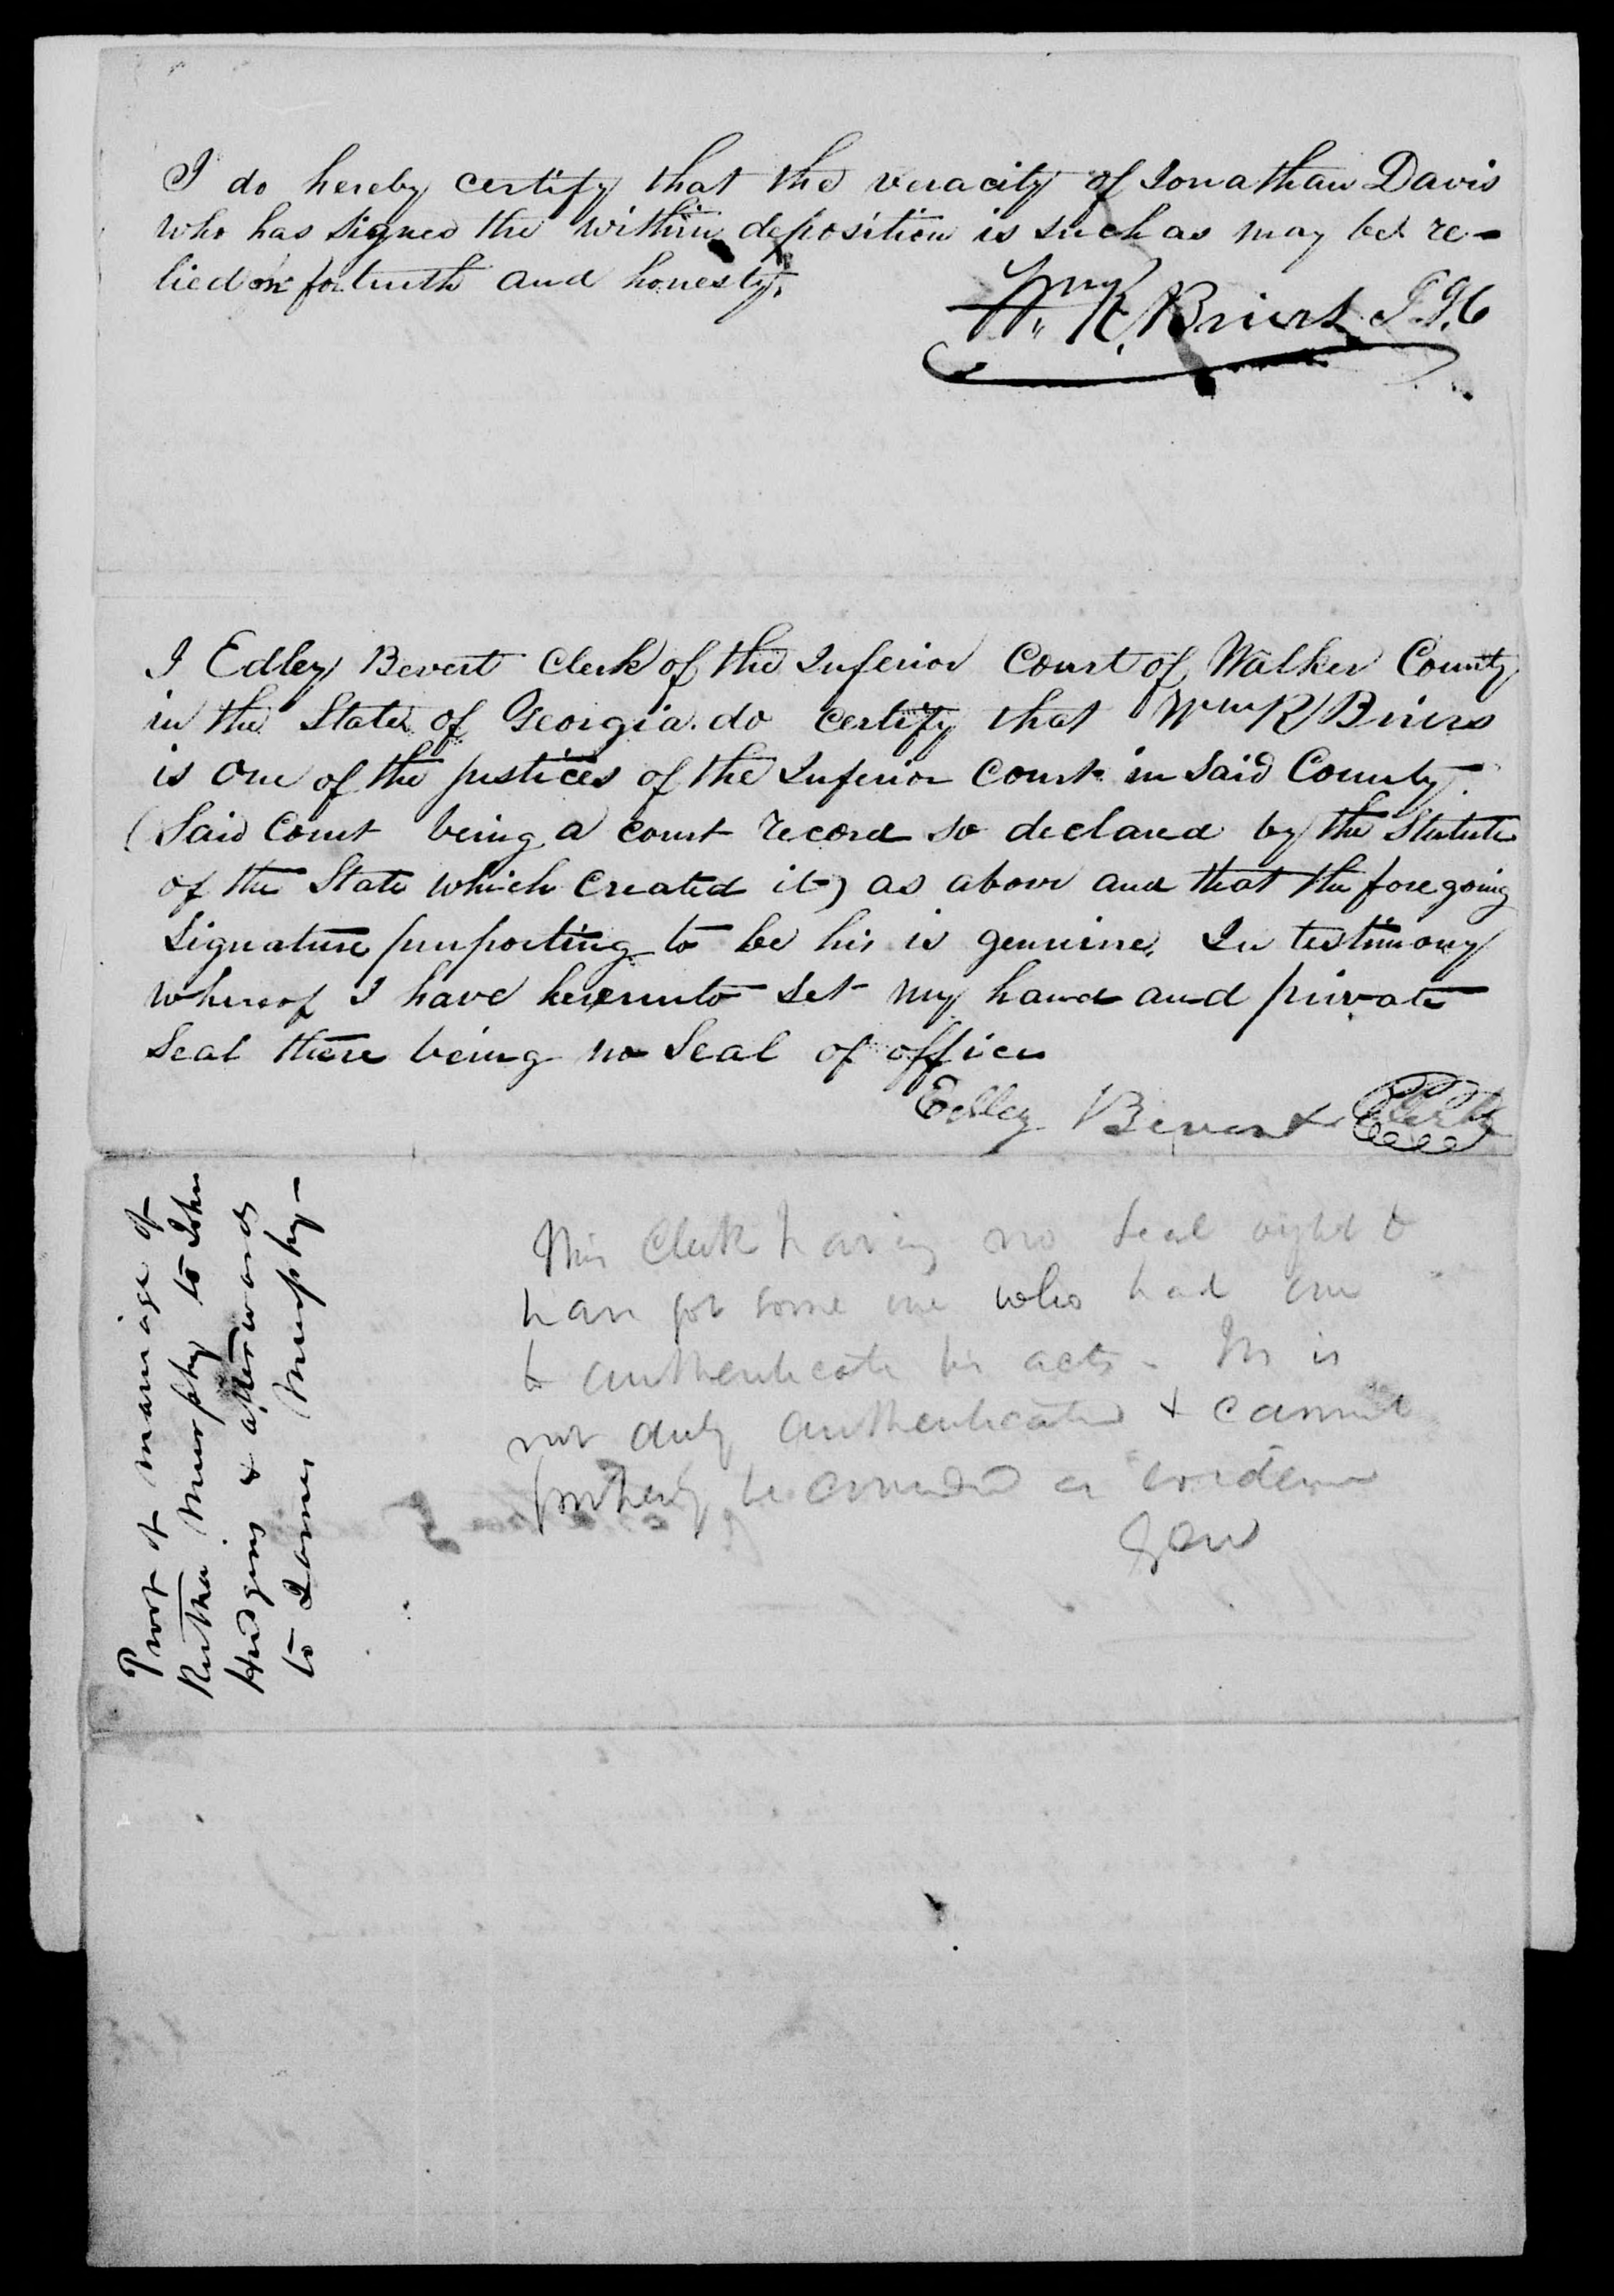( 3 parts due to tri-fold paper)
I do hereby certify that the veracity that Jonathan Davis who has signed the within deposition is such as may be relied for truth and honesty 
Wm K Briers JJC


I do hereby certify that the Interior Court of Walker County in the State of Georgia do certify that William K Briers is one of the Justices of the Interior Court in said County - (Said Court being a court record so declared by the Statutes of the State which created it) as above and that the foregoing Signature purporting to - be his is genuine. In testimony whereof I have hereunto- set my hand and /private seal there being no seal of office
Elder Bevert  (circle after name with Clerk in the center)

(this document has a three fold piece of paper this is the third part)

Proof of marriage of Rutha Murphy to John Hodgins and afterwards to James Murphy. (This is vertical along left side of this tri-fold)
Mr. Clerk having no seal right & I am for (not legible) who had Mr to authenticate his acts 0 M is my duly authenticate and cannot (not legible too faint) named an evidence 
GCW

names: Wm K Briers, John Hudgins, Edley Bevert, James Murphy, Rutha Murphy, Jonathan Davis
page: 73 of 108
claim: rejected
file: R. 7,515, John Hudgins, N.C.